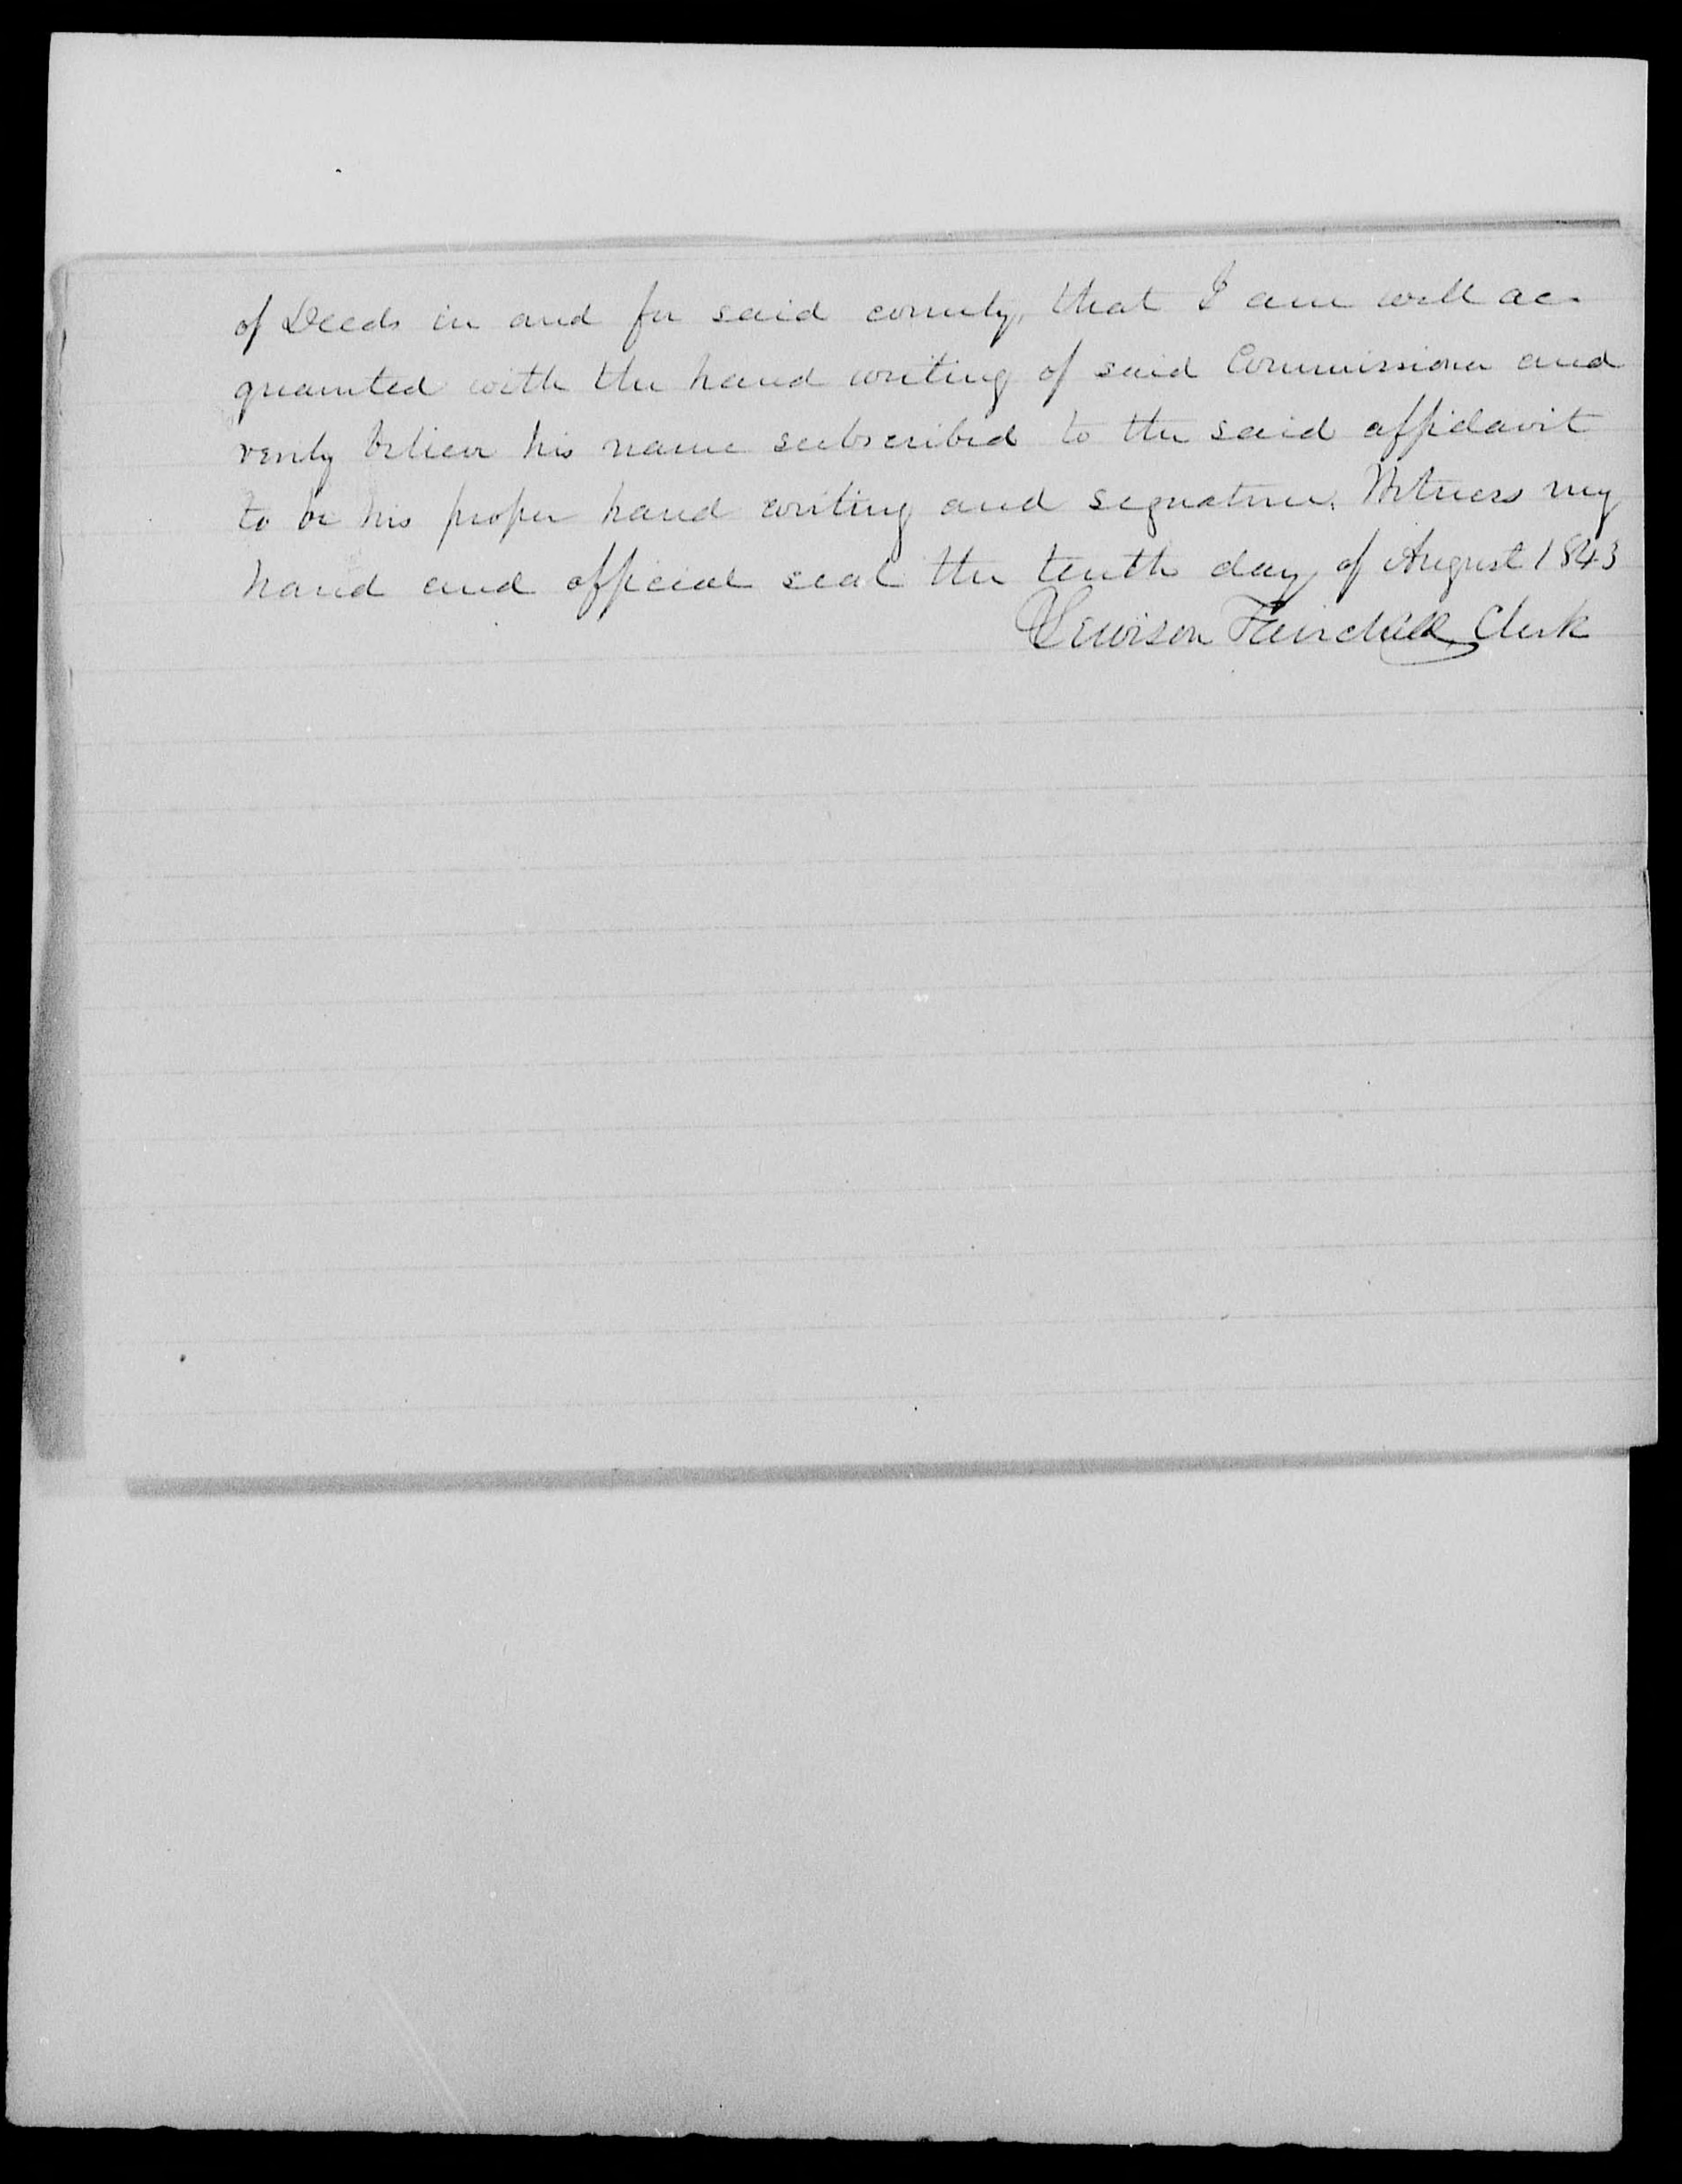[handwritten]
of Deeds in and for said county, that I am well acquainted with the handwriting of said Commissioner and verily believe his name subscribed to the said affidavit to be his proper hand writing and signature. Witness my hand and official seal the tenth day of August 1843
(signed)

Lewison Fairchild Clerk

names: Lewison Fairchild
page: 32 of 51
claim: widow's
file: W. 23816, Oliver Clark, Conn.